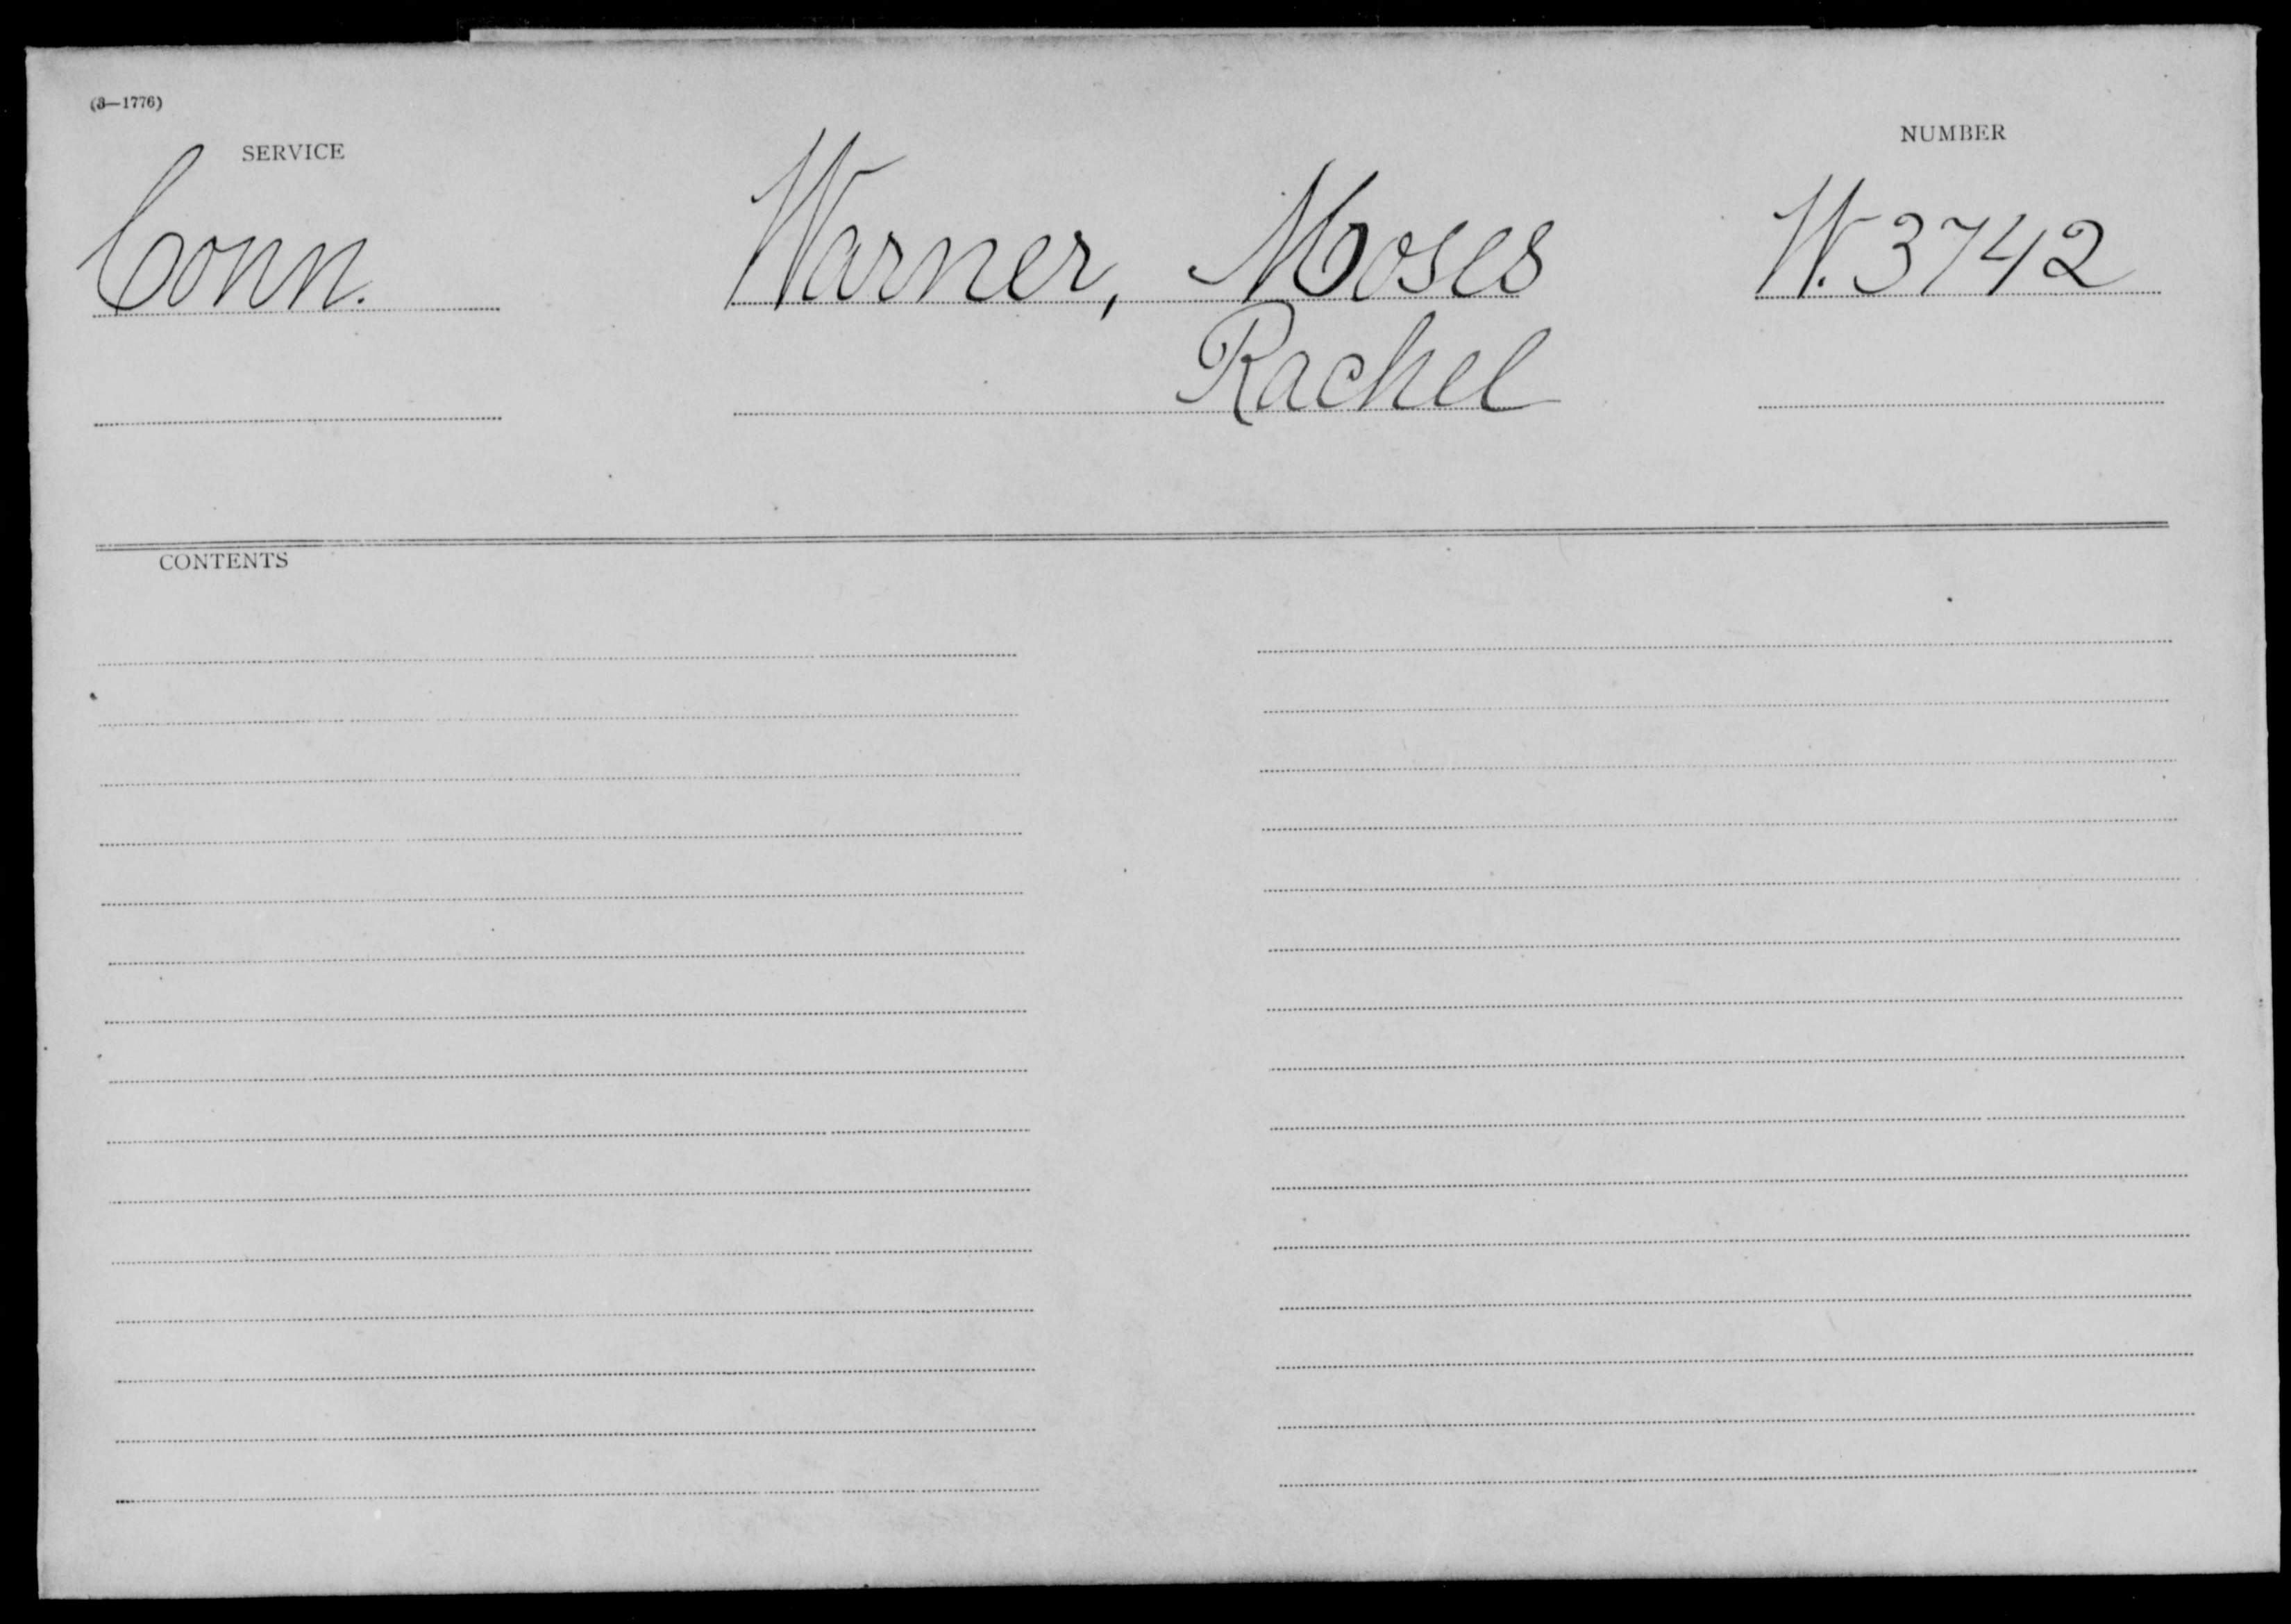(3--1776)

SERVICE
Conn.

Warner, Moses
Rachel

NUMBER
W. 3742
----------------------------------------------------
CONTENTS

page: 1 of 40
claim: widow's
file: W. 3742, Moses Warner, Conn.